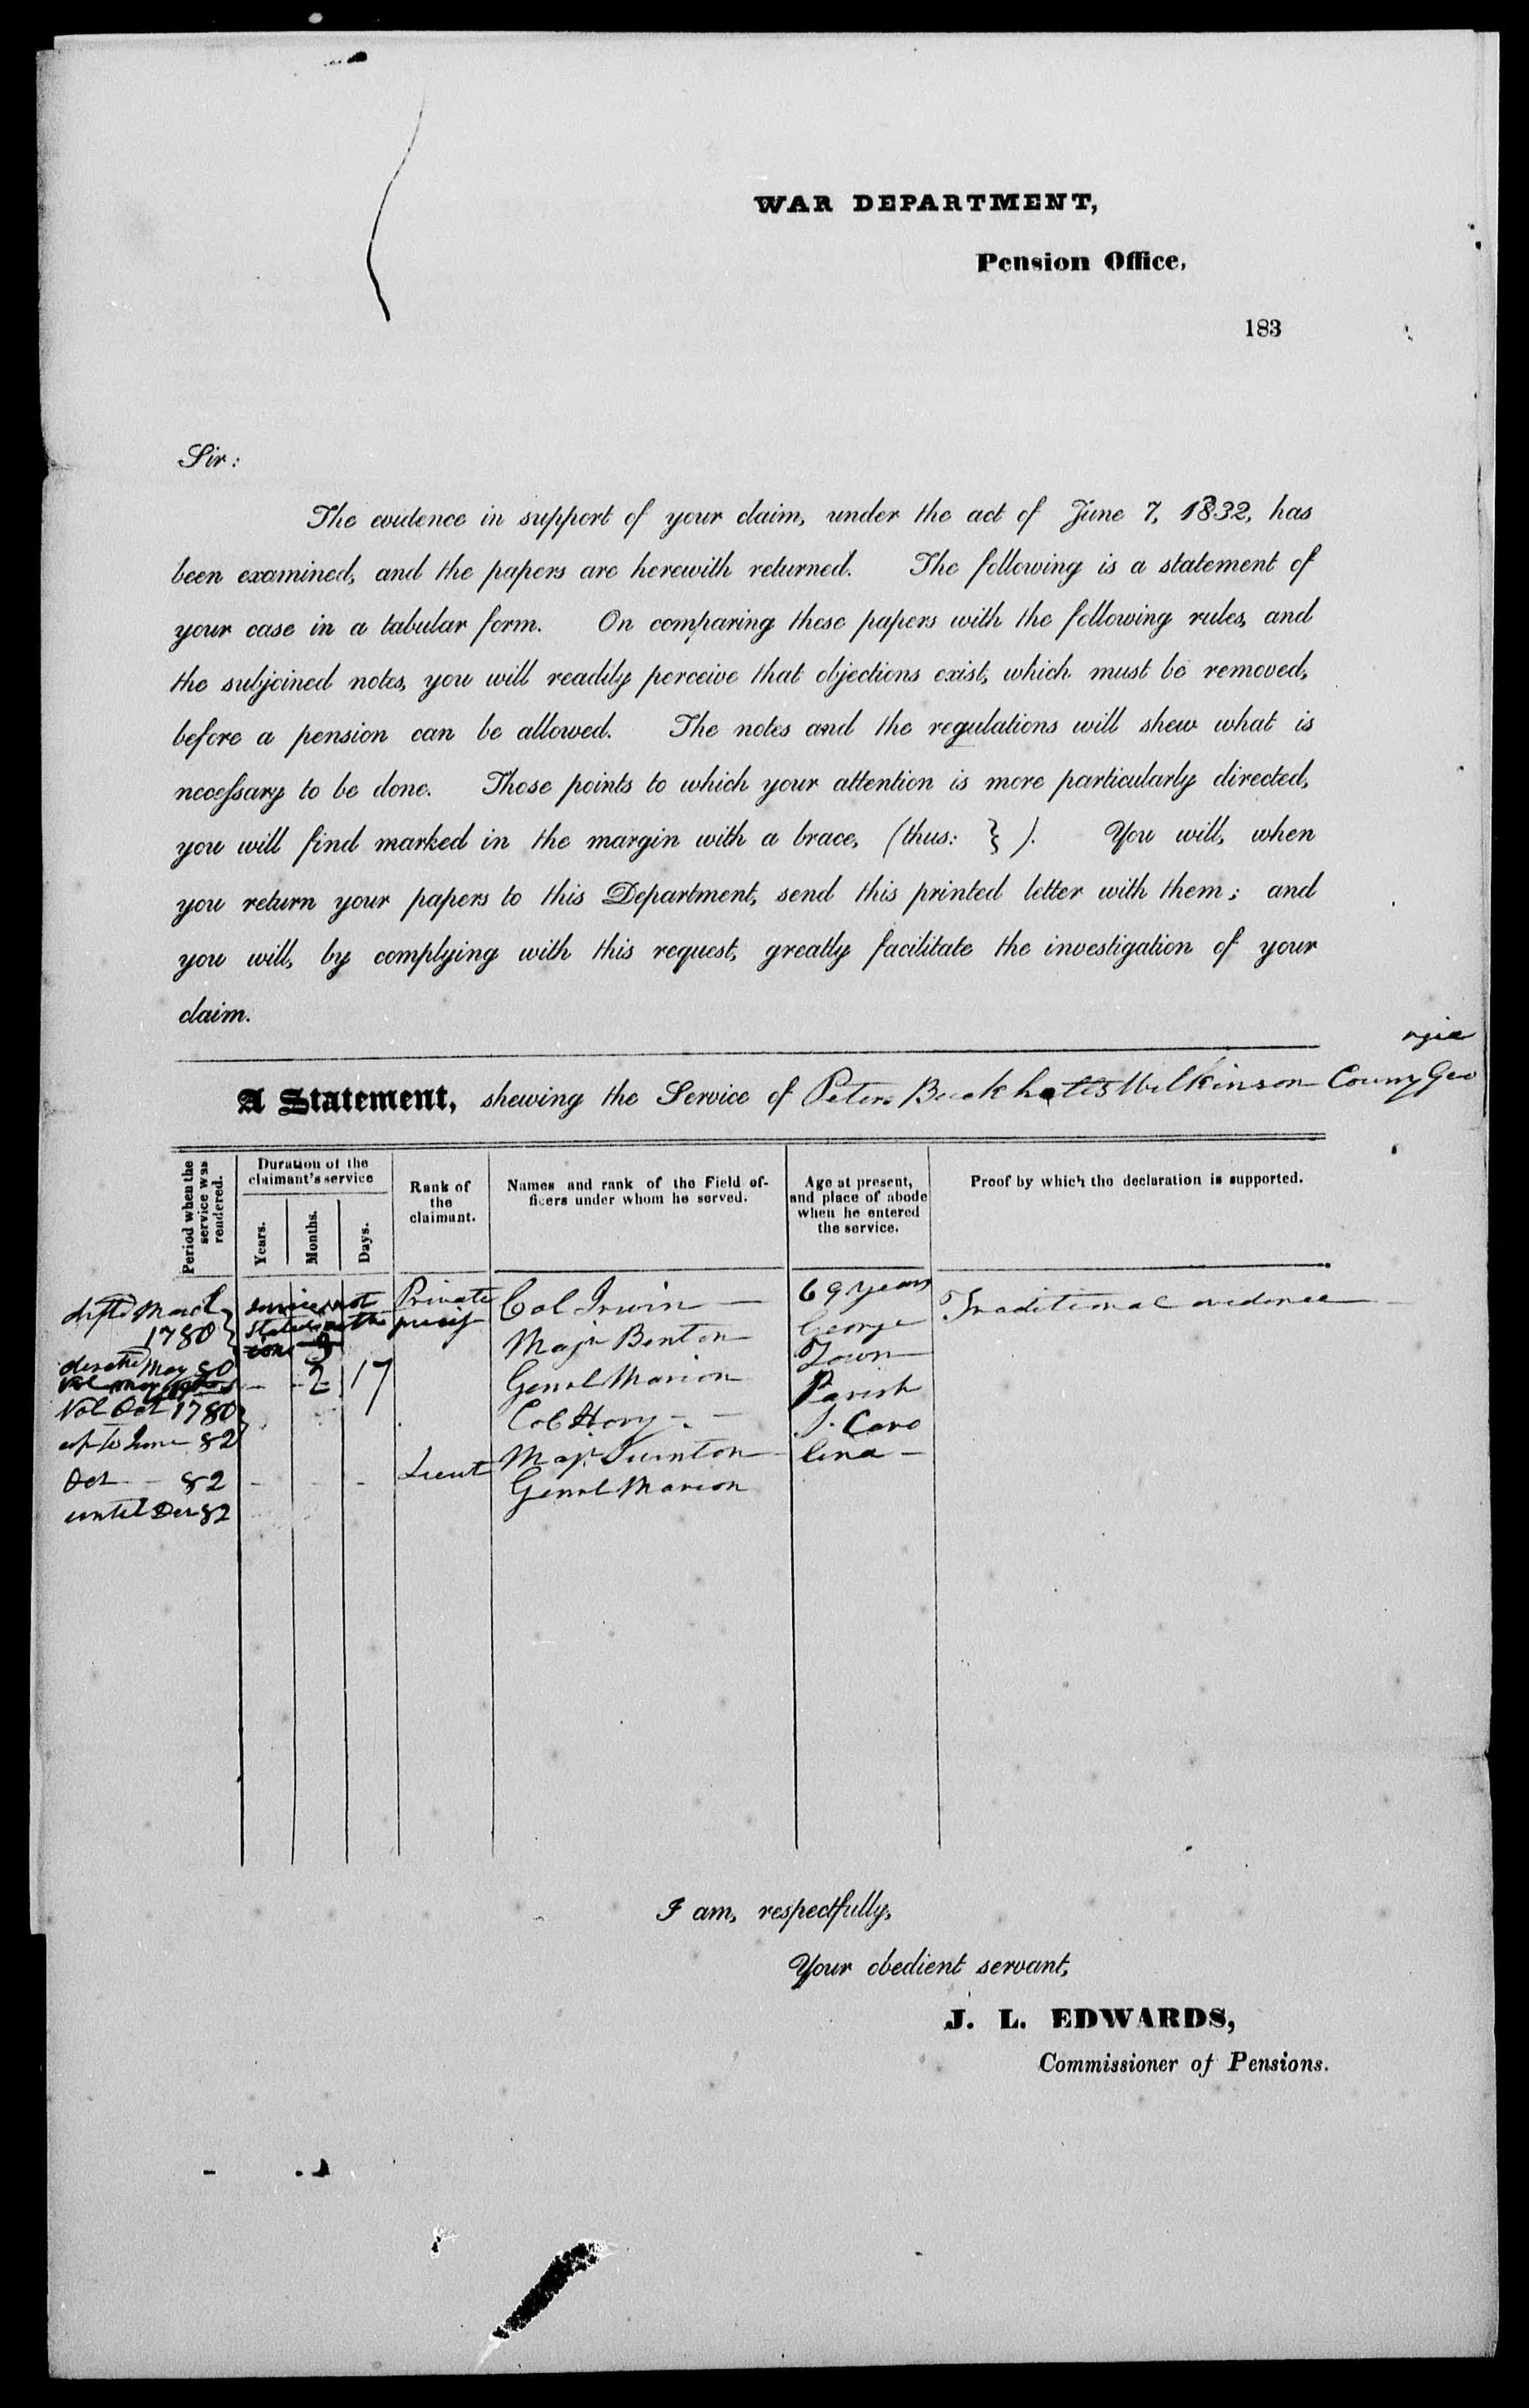War Department,
Pension Office,
183

Sir:
The evidence in support of your claim, under the act of June 7, 1832, has been examined, and the papers are herewith returned.  The following is a statement of case in tabular form.  On comparing these papers with the following rules, and the subjoined notes, you will readily perceive that objections exist, which must be removed, before a pension can be allowed.  The notes and the regulations will show what is necessary to be done.  Those points to which your attention is more particularly directed, you will find marked in the margin with a brace, (thus: } ).  You will, when you return your papers to this Department, send this printed letter with them; and you will, by complying with this request, greatly facilitate the investigation of your claim.

A STATEMENT, showing the Service of Peter Buckholts Wilkinson County Georgia

Period when the Service was rendered.
drafted March 1780}
deserted May 80
vol May 80 [illegible]
Vol Oct 1780
82
after home
Oct 82
until Dec 82

Duration of the claimant's service
Years. 
Months. 
Days.
service not stated with [illegible]
con [crossed out]
3 [crossed out]
2 [under heading months]
17 [under heading days]

Rank of the claimant.
Private


Lieut

Name and rank of the Field officers under whom he served.
Col Irwin
Major Benton
General Marion
Col Hory
Major Swinton
General Marion

Age at present, and place of abode when he entered the service.
69 years
George
Town
Parish
S. Caro
lina

Proof by which the declaration is supported.
Traditional evidence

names: J L Edwards, Swinton, Hory, Benton, Peter Buckholts, Marion, Irwin, Marion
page: 3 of 23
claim: rejected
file: R. 1465, Peter Buckholts, S.C.